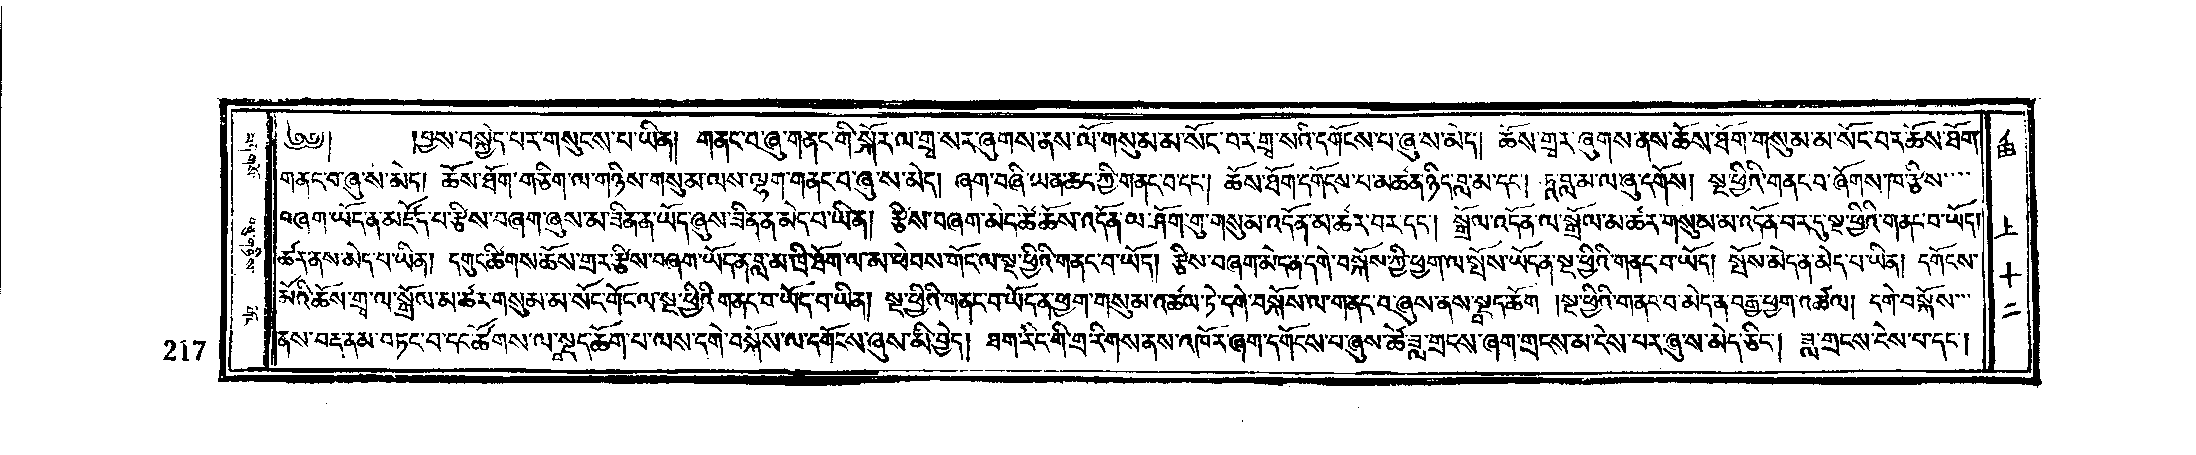༄༅། །བྱས་བསྐྱེད་པར་གསུངས་པ་ཡིན། གནང་བ་ཞུ་གནང་གི་སྐོར་ལ་གྲྭ་སར་ཞུགས་ནས་ལོ་གསུམ་མ་སོང་བར་གྲྭ་སའི་དགོངས་པ་ཞུ་ས་མེད། ཆོས་གྲྭར་ཞུགས་ནས་ཆོས་ཐོག་གསུམ་མ་སོང་བར་ཆོས་ཐོག་
གནང་བ་ཞུ་ས་མེད། ཆོས་ཐོག་གཅིག་ལ་གཉིས་གསུམ་ལས་ལྷག་གནང་བ་ཞུ་ས་མེད། ཞག་བཞི་ཡན་ཆད་ཀྱི་གནང་བ་དང་། ཆོས་ཐོག་དགོངས་པ་མཚན་ཉིད་བླ་མ་དང་། ཏཱ་བླ་མ་ལ་ཞུ་དགོས། སྔ་ཕྱིའི་གནང་བ་ཞོགས་ཁ་རྩིས་
བཞག་ཡོད་ན་མཛོད་པ་རྩིས་བཞག་ཞུས་མ་ཟིན་ན་ཡོད་ཞུས་ཟིན་ན་མེད་པ་ཡིན། རྩིས་བཞག་མེད་ཚེ་ཆོས་འདོན་ལ་ཤོག་གུ་གསུམ་འདོན་མ་ཚར་བར་དང་། སྒྲོལ་འདོན་ལ་སྒྲོལ་མ་ཚར་གསུམ་མ་འདོན་བར་དུ་སྔ་ཕྱིའི་གནང་བ་ཡོད།
ཚར་ནས་མེད་པ་ཡིན། དགུང་ཚིགས་ཆོས་གྲར་རྩིས་བཞག་ཡོད་ན་བླ་མ་ཁྲི་ཐོག་ལ་མ་ཕེབས་གོང་ལ་སྔ་ཕྱིའི་གནང་བ་ཡོད། རྩིས་བཞག་མེད་ན་དགེ་བསྐོས་ཀྱི་ཕྱག་ལ་སྤོས་ཡོད་ན་སྔ་ཕྱིའི་གནང་བ་ཡོད། སྤོས་མེད་ན་མེད་པ་ཡིན། དགོངས་
མོའི་ཆོས་གྲྭ་ལ་སྒྲོལ་མ་ཚར་གསུམ་མ་སོང་གོང་ལ་སྔ་ཕྱིའི་གནང་བ་ཡོད་པ་ཡིན། སྔ་ཕྱིའི་གནང་བ་ཡོད་ན་ཕྱག་གསུམ་འཚལ་ཏེ་དགེ་བསྐོས་ལ་གནང་བ་ཞུས་ནས་བསྔད?་ཆོག །སྔ་ཕྱིའི་གནང་བ་མེད་ན་བརྒྱ་ཕྱག་འཚལ། དགེ་བསྐོས་
ནས་བརྡ་ནམ་བཏང་བ་དང་ཚོགས་ལ་བསྡད་ཆོག་པ་ལས་དགེ་བསྐོས་ལ་དགོངས་ཞུས་མི་བྱེད། ཐག་རིང་གི་གྲ་རིགས་ནས་འཁོར་ཞག་དགོངས་པ་ཞུས་ཚེ་ཟླ་གྲངས་ཞག་གྲངས་མ་ངེས་པར་ཞུ་ས་མེད་ཅིང་། ཟླ་གྲངས་ངེས་པ་དང་།